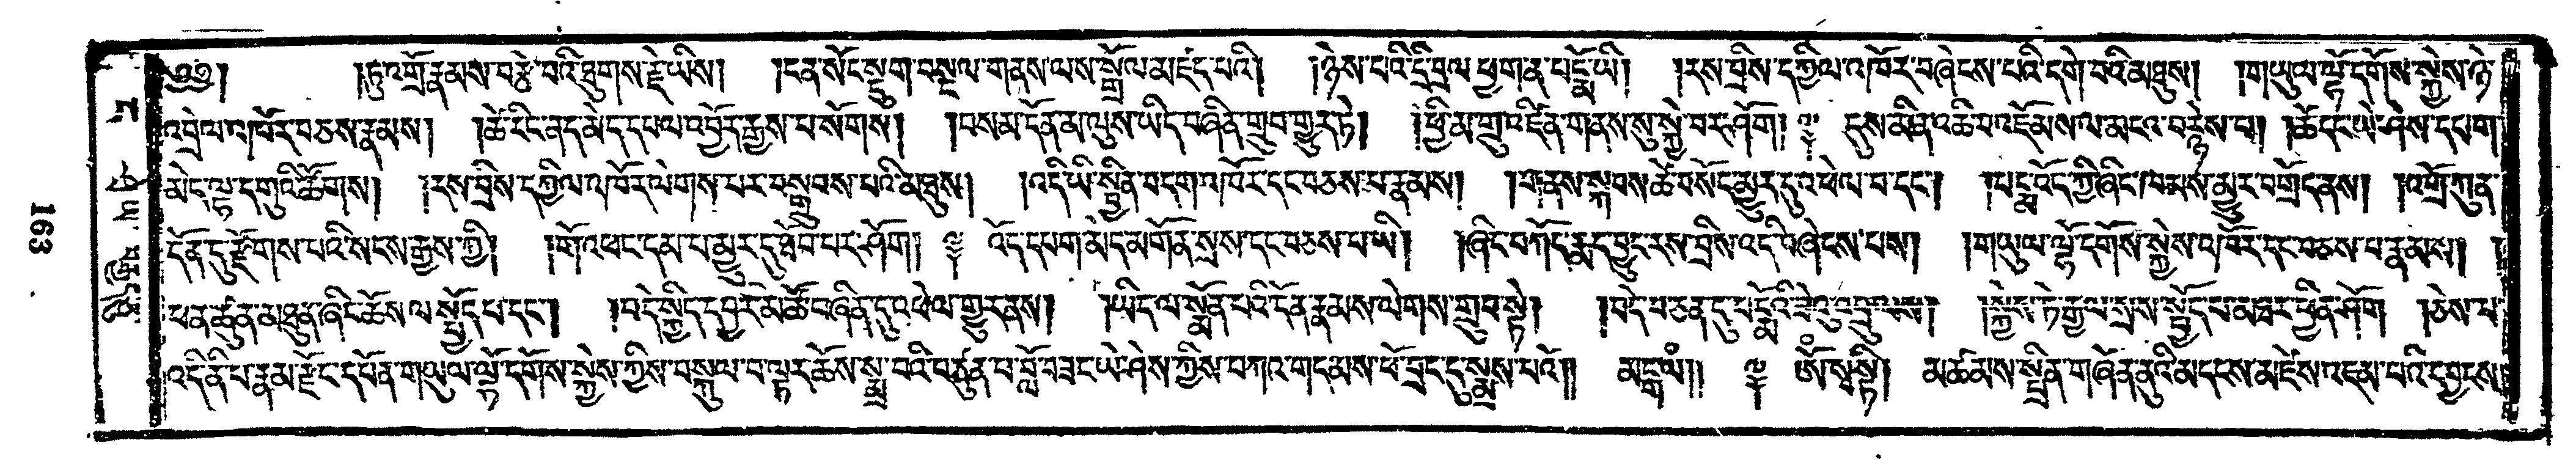༄༅། །ཏུ་འགྲོ་རྣམས་བརྩེ་བའི་ཐུགས་རྗེ་ཡིས། །ངན་སོང་སྡུག་བསྔལ་གནས་ལས་སྒྲོལ་མཛད་པའི། །ཉེས་པའི་དྲི་བྲལ་ཕྱག་ན་པདམོ་ཡི། །རས་བྲིས་དཀྱིལ་འཁོར་བཞེངས་པའི་དགེ་བའི་མཐུས། །གཡུལ་ལྷོ་དགོས་སྐྱེས་ཉེ་
འབྲེལ་འཁོར་བཅས་རྣམས། །ཚེ་རིང་ནད་མེད་དཔལ་འབྱོར་རྒྱས་པ་སོགས། །བསམ་དོན་མ་ལུས་ཡིད་བཞིན་གྲུབ་གྱུར་ཏེ། །ཕྱི་མ་གྲུ་འཛིན་གནས་སུ་སྐྱེ་བར་ཤོག། ༈ དུས་མིན་འཆི་བ་འཇོམས་ལ་མངའ་བརྙེས་པ། །ཚེ་དང་ཡེ་ཤེས་དཔག་
མེད་ལྷ་དགུའི་ཚོགས། །རས་བྲིས་དཀྱིལ་འཁོར་ལེགས་པར་བསྒྲུབས་པའི་མཐུས། །འདི་ཡི་སྦྱིན་བདག་འཁོར་དང་བཅས་པ་རྣམས། །གནས་སྐབས་ཚེ་བསོད་མྱུར་དུ་འཕེལ་བ་དང་། །པདམ་འོད་ཀྱི་ཞིང་ཁམས་མྱུར་བགྲོད་ནས། །འགྲོ་ཀུན་
དོན་དུ་རྫོགས་པའི་སངས་རྒྱས་ཀྱི། །གོ་འཕང་དམ་པ་མྱུར་དུ་ཐོབ་པར་ཤོག། ༈ འོད་དཔག་མེད་མགོན་སྲས་དང་བཅས་པ་ཡི། །ཞིང་བཀོད་རྨད་བྱུང་རས་བྲིས་འདི་བཞེངས་པས། །གཡུལ་ལྷོ་དགོས་སྐྱེས་འཁོར་དང་བཅས་པ་རྣམས། །
ཕན་ཚུན་མཐུན་ཞིང་ཆོས་ལ་སྤྱོད་པ་དང་། །བདེ་སྐྱིད་དབྱར་མཚོ་བཞིན་དུ་འཕེལ་གྱུར་ནས། །ཡིད་ལ་སྨོན་པའི་དོན་རྣམས་ལེགས་གྲུབ་སྟེ། །བདེ་བ་ཅན་དུ་པདམོའི་ཟེའུ་འབྲུ་ལས། །སྐྱེས་ཏེ་རྒྱལ་སྲས་སྤྱོད་པ་མཐར་ཕྱིན་ཤོག །ཅེས་པ་
འདི་ནི་པ་རྣམ་རྫོང་དཔོན་གཡུལ་ལྷོ་དགོས་སྐྱེས་ཀྱིས་བསྐུལ་བ་ལྟར་ཆོས་སྨྲ་བའི་བཙུན་པ་བློ་བཟང་ཡེ་ཤེས་ཀྱིས་བཀའ་གདམས་ཕོ་བྲང་དུ་སྨྲས་པའོ།། མངྒ་ལཾ།། ༈ ཨོཾ་སྭསྟི། མཚམས་སྤྲིན་གཞོན་ནུའི་མདངས་མཛེས་འཇམ་པའི་དབྱངས་